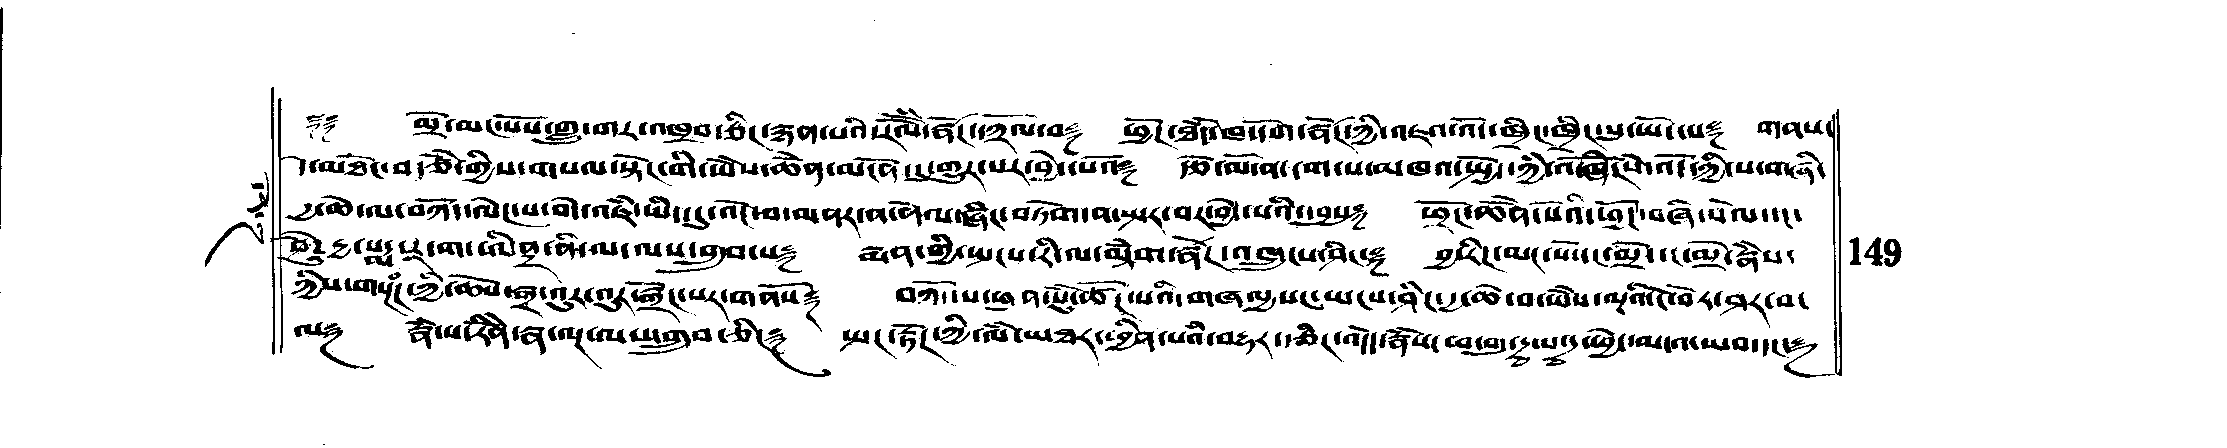མཁའ་འགྲོ་མང་པོས་གླུ་གར་འཁྲབ་ཅིང་སྙན་པའི་རོལ་མོ་སྣ་ཚོགས་དཀྲོལ་བ། ཕྱོགས་ཐམས་ཅད་ཁ་དོག་སྣ་ཚོགས་ཀྱི་འཇའ་འོད་ཁྲིགས་ཁྲིགས་སུ་ཡོད་པ། གནས་
དེ་མཐོང་བ་ཙམ་གྱིས་གསལ་སྟོང་གི་ཡེ་ཤེས་ཆེན་པོ་མངོན་དུ་གྱུར་པར་བྱེད་པའོ།རྩེ་མོ་ན་དག་པ་མཁའ་སྤྱོད་ཀྱི་ཞིང་ཁམས་འོད་ཀྱི་ས་གཞི་
རྒྱ་ཆེ་ལ་བཀོད་ལེགས་པ་བདེ་འཇམ་ཡིད་དུ་འོང་བ་མནར་ན་ནེམ་ཞིང་བཏེགས་ན་སྤར་བར་བྱེད་པའི་དབུས་སུ། ཕོ་བྲང་ཆེན་པོའི་ཕྱོགས་བཞི་གསེར་དང་
བཻཌཱུརྻ་པདྨ་རཱ་ག་ཨིནྡྲ་ནི་ལ་ལས་གྲུབ་པ། སྨན་གྱི་སྤངས་རི་ལ་མེ་ཏོག་སྣ་ཚོགས་འཁྲུངས་ཤིང་། བྱ་རིགས་མང་པོ་དང་མཁའ་འགྲོ་དང་མཁའ་འགྲོ་མ་རྣམས་
ཀྱིས་གསང་སྔགས་ཀྱི་ཆོས་སྒྲ་འུར་འུར་སྒྲོག་པར་གནས་སོ། བཀོད་པ་ཕུན་སུམ་ཚོགས་པའི་གཞལ་ཡས་ཁང་ཡངས་ཤིང་རྒྱ་ཆེ་བ་ཡེ་ཤེས་ལྔའི་ངོ་བོར་ཤར་བ་
ལ། རྣམ་པ་རིན་པོ་ཆེ་སྣ་ལྔ་ལས་གྲུབ་ཅིང་། སྤངས་རྟོགས་ཀྱི་ལམ་མཐར་ཕྱིན་པའི་བརྡར་རྩིགས་པ་འདོད་སྣམ་ཕ་གུ་དྲྭ་བ་དྲྭ་ཕྱེད་མདའ་ཡབ་དང་།